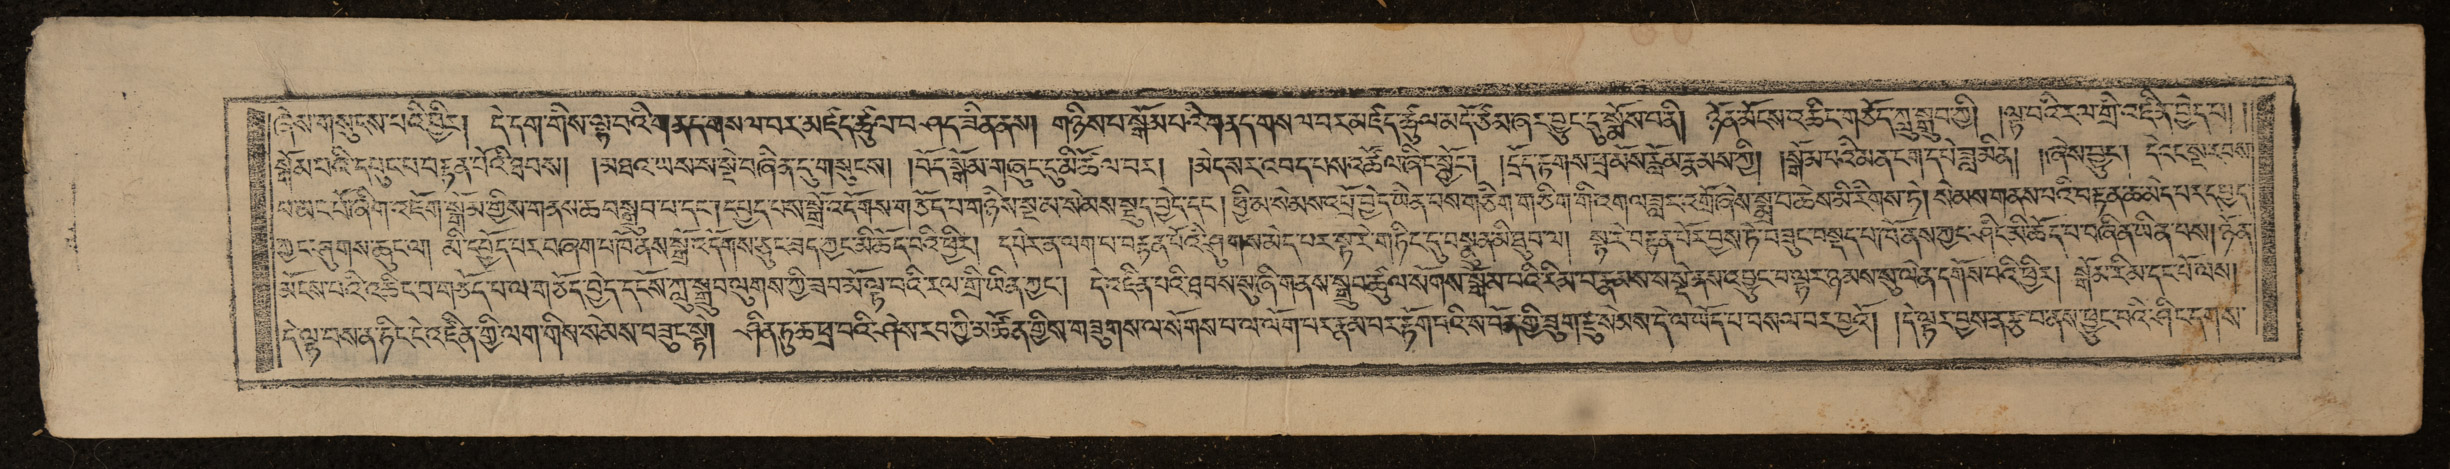ཞེས་གསུངས་པའི་ཕྱིར། དེ་དག་གིས་ལྟ་བའི་གནད་གསལ་བར་མཛད་ཚུལ་བཤད་ཟིན་ནས། གཉིས་པ་སྒོམ་པའི་གནད་གསལ་བར་མཛད་ཚུལ་མདོ་ཙམ་ཞར་བྱུང་དུ་སྨོས་པ་ནི། ཉོན་མོངས་འཆིང་གཅོད་ཀླུ་སྒྲུབ་ཀྱི། །ལྟ་བའི་རལ་གྲི་འཛིན་བྱེད་པ།།
སྒོམ་པའི་དཔུང་བ་བརྟན་པོའི་ཐབས། །མཐའ་ཡས་ས་སྡེ་བཞིན་དུ་གསུངས། །བོད་སྒོམ་གཞུང་དུ་མི་ཚོལ་བར། །མེད་སར་འབད་པས་འཚོལ་ཞིང་སྐྱོང་། །དྲོད་རྟགས་ཕྲ་མོས་རློམ་རྣམས་ཀྱི། །སྒོམ་པའི་མན་ངག་དཔེ་ཟླ་མིན། །ཞེས་བྱུང་། དེའང་སྔ་རབས་
པ་མང་པོ་ཞིག་འཇོག་སྒོམ་གྱིས་གནས་ཆ་བསྒྲུབ་པ་དང་། དཔྱད་བས་སྒྲོ་འདོགས་གཅོད་པ་གཉིས་སྔ་མ་སེམས་སྡུད་བྱེད་དང་།ཕྱི་མ་སེམས་འཕྲོ་བྱེད་ཡིན་པས་གཅིག་གཅིག་གི་འགལ་ཟླར་འགྲོ་ཞེས་སྨྲ་བ་ཆེས་མི་རིགས་ཏེ། སེམས་གནས་པའི་བརྟན་ཆ་མེད་པར་དཔྱད་
ཀྱང་ཤུགས་ཆུང་ལ། མི་དཔྱོད་པར་བཞག་པ་ཁོ་ནས་སྒྲོ་འདོགས་ཅུང་ཟད་ཀྱང་མི་ཆོད་པའི་ཕྱིར། དཔེར་ན་ལག་པ་བརྟན་པོའི་ཤུགས་མེད་པར་སྟ་རེ་གཏིང་དུ་བསྣུན་མི་ཐུབ་ལ། སྟ་རེ་བརྟན་པོར་བྱས་ཏེ་བཟུང་བསྡད་པ་ཁོ་ནས་ཀྱང་ཤིང་མི་ཆོད་པ་བཞིན་ཡིན་པས་།ཉོན་
མོངས་པའི་འཆིང་བ་གཅོད་པ་ལ་གཅོད་བྱེད་དངོས་སྒྲུབ་ལུགས་ཀྱི་ཟབ་མོ་ལྟ་བའི་རལ་གྲི་ཡིན་ཀྱང་། དེ་འཛིན་པའི་ཐབས་སུ་ཞི་གནས་སྒྲུབ་ཚུལ་སོགས་སྒོམ་པའི་རིམ་པ་རྣམས་ས་སྡེ་ནས་འབྱུང་བ་ལྟར་ཉམས་སུ་ལེན་དགོས་པའི་ཕྱིར། སྒོམ་རིམ་དང་པོ་ལས།
དེ་ལྟ་བས་ན་ཏིང་ངེ་འཛིན་གྱི་ལག་གིས་སེམས་བཟུང་སྟེ། ཤིན་ཏུ་ཆ་ཕྲ་བའི་ཤེས་རབ་ཀྱི་མཚོན་གྱིས་གཟུགས་ལ་སོགས་པ་ལ་ལོག་པར་རྣམ་པར་རྟོག་པའི་ས་བོན་གྱི་ཟུག་རྡུ་སེམས་དེ་ལ་ཡོད་བ་བསལ་བར་བྱའོ། །དེ་ལྟར་བྱས་ན་རྩ་བ་ནས་ཕྱུང་བའི་ཤིང་དགས་